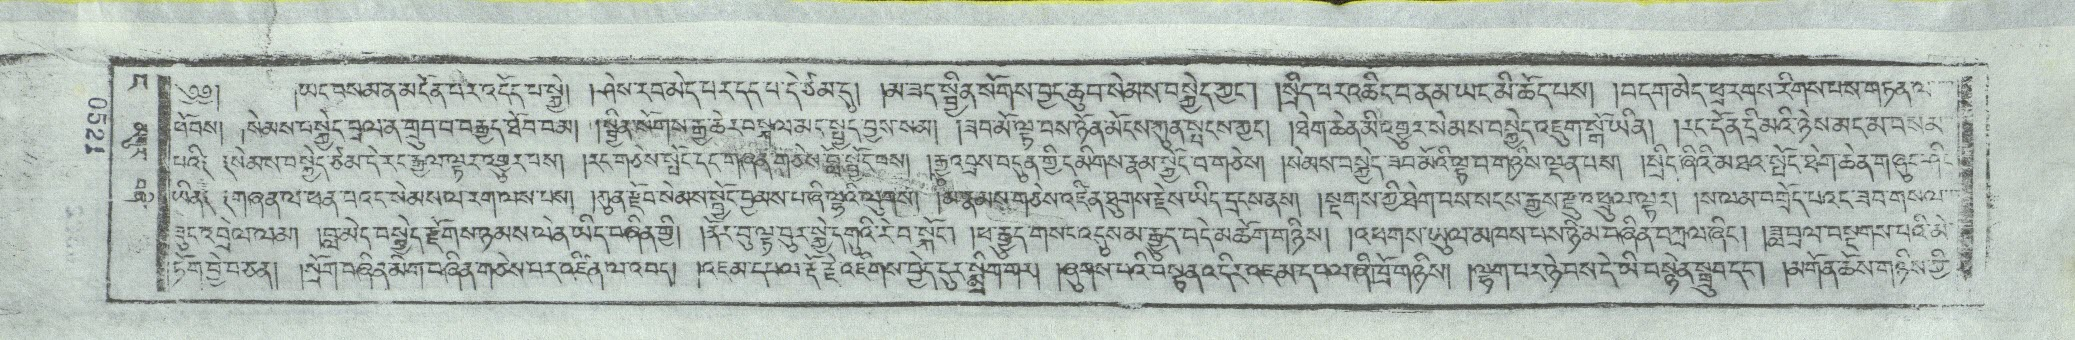༄༅། །ཡང་བསམ་ན་མངོན་པར་འདོད་པ་སྐྱེ། །ཤེས་རབ་མེད་པར་དད་པ་དེ་ཙམ་དུ། །མ་ཟད་སྦྱིན་སོགས་བྱང་ཆུབ་སེམས་བསྐྱེད་ཀྱང་། །སྲིད་པར་འཆིང་བ་ནམ་ཡང་མི་ཆོད་པས། །བདག་མེད་ཕྲ་རགས་རིགས་པས་གཏན་ལ་
ཕོབས། །སེམས་བསྐྱེད་བྲལ་ན་གྲུབ་པ་བརྒྱད་ཐོབ་བམ། །སྦྱིན་སོགས་རྒྱ་ཆེར་བསྐལ་མདུ་སྤྱད་བྱས་སམ། །ཟབ་མོ་ལྟ་བས་ཉོན་མོངས་ཀུན་སྤངས་ཀྱང་། །ཐེག་ཆེན་མི་འགྱུར་སེམས་བསྐྱེད་འཇུག་སྒོ་ཡིན། །རང་དོན་དྲི་མའི་ཉེས་མད་མ་བསམ་
པའི༑ ༑སེམས་བསྐྱེད་ཙམ་དེ་རང་རྒྱལ་ལྟར་འགྱུར་པས། །རང་གཅེས་སྤོང་དང་གཞན་གཅེས་བློ་སྦྱོང་བས། །རྒྱུ་འབྲས་བདུན་གྱི་དམིགས་རྣམ་སྐྱོང་བ་གཅེས། །སེམས་བསྐྱེད་ཟབ་མོའི་ལྟ་བ་གཉིས་ལྡན་པས། །སྲིད་ཞིའི་མཐའ་སྤོང་ཐེག་ཆེན་གཞུང་ཤིང་
ཡིན༑ ༑གཞན་ལ་ཕན་པའང་སེམས་ལ་རག་ལས་པས། །ཀུན་རྫོབ་སེམས་སྦྱོང་བྱམས་པ་ཞི་ལྷའི་ལུགས། །མ་རྣམས་གཅེས་འཛིན་ཐུགས་རྗེས་ཡིད་དྲངས་ནས། །སྔགས་ཀྱི་ཐེག་པས་སངས་རྒྱས་རྫུ་འཕྲུལ་ལྟར། །ས་ལམ་བགྲོད་པའང་ཟབ་གསལ་
ཟུང་འབྲེལ་ལམ། །བླ་མེད་བསྐྱེད་རྫོགས་ཉམས་ལེན་ཡིད་བཞིན་གྱི། །ནོར་བུ་ལྟ་བུར་སྐྱེ་དགུའི་རེ་བ་སྐོང་། །ཕ་རྒྱུད་གསང་འདུས་མ་རྒྱུད་བདེ་མཆོག་གཉིས། །འཕགས་ཡུལ་མཁས་པས་ཉི་མ་བཞིན་བཀྲལ་ཞིང་། །ཟླ་བྲལ་བསྔགས་པའི་མེ་
ཏོག་བྱེ་བ་ཅན། །སྲོག་བཞིན་མིག་བཞིན་གཅེས་པར་འཛིན་ལ་འབད། །འཇམ་དཔལ་རྡོ་རྗེ་འཇིགས་བྱེད་དུར་སྨྲིག་གར། །ཞུགས་པའི་བསྟན་འདིར་འཇམ་དཔལ་ཞི་ཁྲོ་གཉིས། །ལྷག་པར་ཉེ་བས་དེ་ཡི་བསྙེན་སྒྲུབ་དང་། །མགོན་ཆོས་གཉིས་ཀྱི་